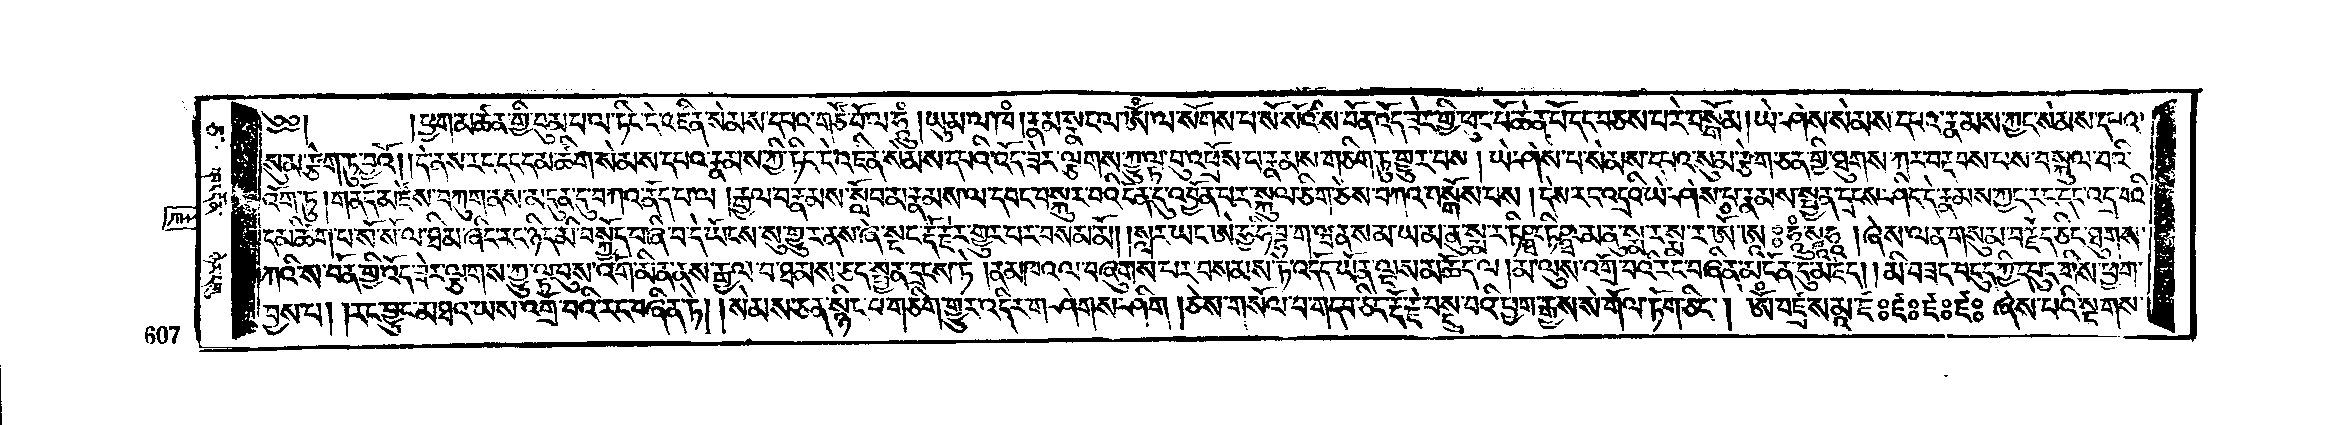༄༅། །ཕྱག་མཚན་གྱི་བུམ་པ་ལ་ཏིང་ངེ་འཛིན་སེམས་དཔའ་གཙོ་བོ་ལ་ཧཱུཾ། ཡུམ་ལ་ཁཾ། རྣམ་སྣང་ལ་ཨོཾ་ལ་སོགས་པ་སོ་སོའི་ས་བོན་འོད་ཟེར་གྱི་ཕུང་པོ་ཆེན་པོ་དང་བཅས་པ་རེ་བསྒོམ། ཡེ་ཤེས་སེམས་དཔའ་རྣམས་ཀྱང་སེམས་དཔའ་
སུམ་རྩེག་ཏུ་བྱའོ། །དེ་ནས་རང་དང་དམ་ཚིག་སེམས་དཔའ་རྣམས་ཀྱི་ཏིང་ངེ་འཛིན་སེམས་དཔའི་འོད་ཟེར་ལྕགས་ཀྱུ་ལྟ་བུ་འཕྲོས་པ་རྣམས་གཅིག་ཏུ་གྱུར་པས། ཡེ་ཤེས་པ་སེམས་དཔའ་སུམ་རྩེག་ཅན་གྱི་ཐུགས་ཀར་བརྡབས་པས་བསྐུལ་བའི་
འོག་ཏུ། གནོད་མཛེས་བཀུག་ནས་མདུན་དུ་བཀའ་ནོད་པ་ལ། རྒྱལ་བ་རྣམས་སློབ་མ་རྣམས་ལ་དབང་བསྐུར་བའི་དོན་དུ་འབྱོན་པར་སྐུལ་ཅིག་ཅེས་བཀའ་བསྒོས་པས། དེས་རང་འདྲའི་ཡེ་ཤེས་པ་རྣམས་སྤྱན་དྲངས་ཤིང་དེ་རྣམས་ཀྱང་རང་དང་འདྲ་བའི་
དམ་ཚིག་པ་སོ་སོ་ལ་ཐིམ་ཞིང་རང་ཉིད་མི་བསྐྱོད་པ་ཞི་བ་དེ་ཡོངས་སུ་གྱུར་ནས་ཞེ་སྡང་རྡོ་རྗེར་གྱུར་པར་བསམ་མོ། །སླར་ཡང་ཨེ་ཧྱ་ཧི་བྷ་ག་ཝ་ན་ས་མ་ཡ་མ་ནུ་སྨ་ར་ཏིཥྠ་ཏིཥྠ་མ་ནུ་སྨ་ར་སྨ་ར་ཨོཾ་ཨཱཿ ཧཱུཾ་སྭཱ་ཧཱ། ཞེས་ལན་གསུམ་བརྗོད་ཅིང་ཐུགས་
ཀའི་ས་བོན་གྱི་འོད་ཟེར་ལྕགས་ཀྱུ་ལྟ་བུ་ས་འོག་མིན་ནས་རྒྱལ་བ་ཐམས་ཅད་སྤྱན་དྲངས་ཏེ། ནམ་མཁའ་ལ་བཞུགས་པར་བསམས་ཏེ་འདོད་ཡོན་ལྔས་མཆོད་ལ། མ་ལུས་འགྲོ་བའི་རང་བཞིན་མངོན་དུ་མཛད། །མི་བཟང་བདུད་ཀྱི་དཔུང་གིས་ཕྱག་
བྱས་པ། །རང་བྱུང་མཐའ་ཡས་འགྲོ་བའི་རང་བཞིན་ཏེ། །སེམས་ཅན་སྙིང་པ་གཅིག་གྱུར་འདིར་གཤེགས་ཤིག །ཅེས་གསོལ་བ་གདབ་ཅིང་རྡོ་རྗེ་བསྡུ་བའི་ཕྱག་རྒྱས་སེ་གོལ་ཏོག་ཅིང་། ཨོཾ་བཛྲ་ས་མཱ་ཛཿ ཛཿ ཛཿ ཛཿ ཞེས་པའི་སྔགས་